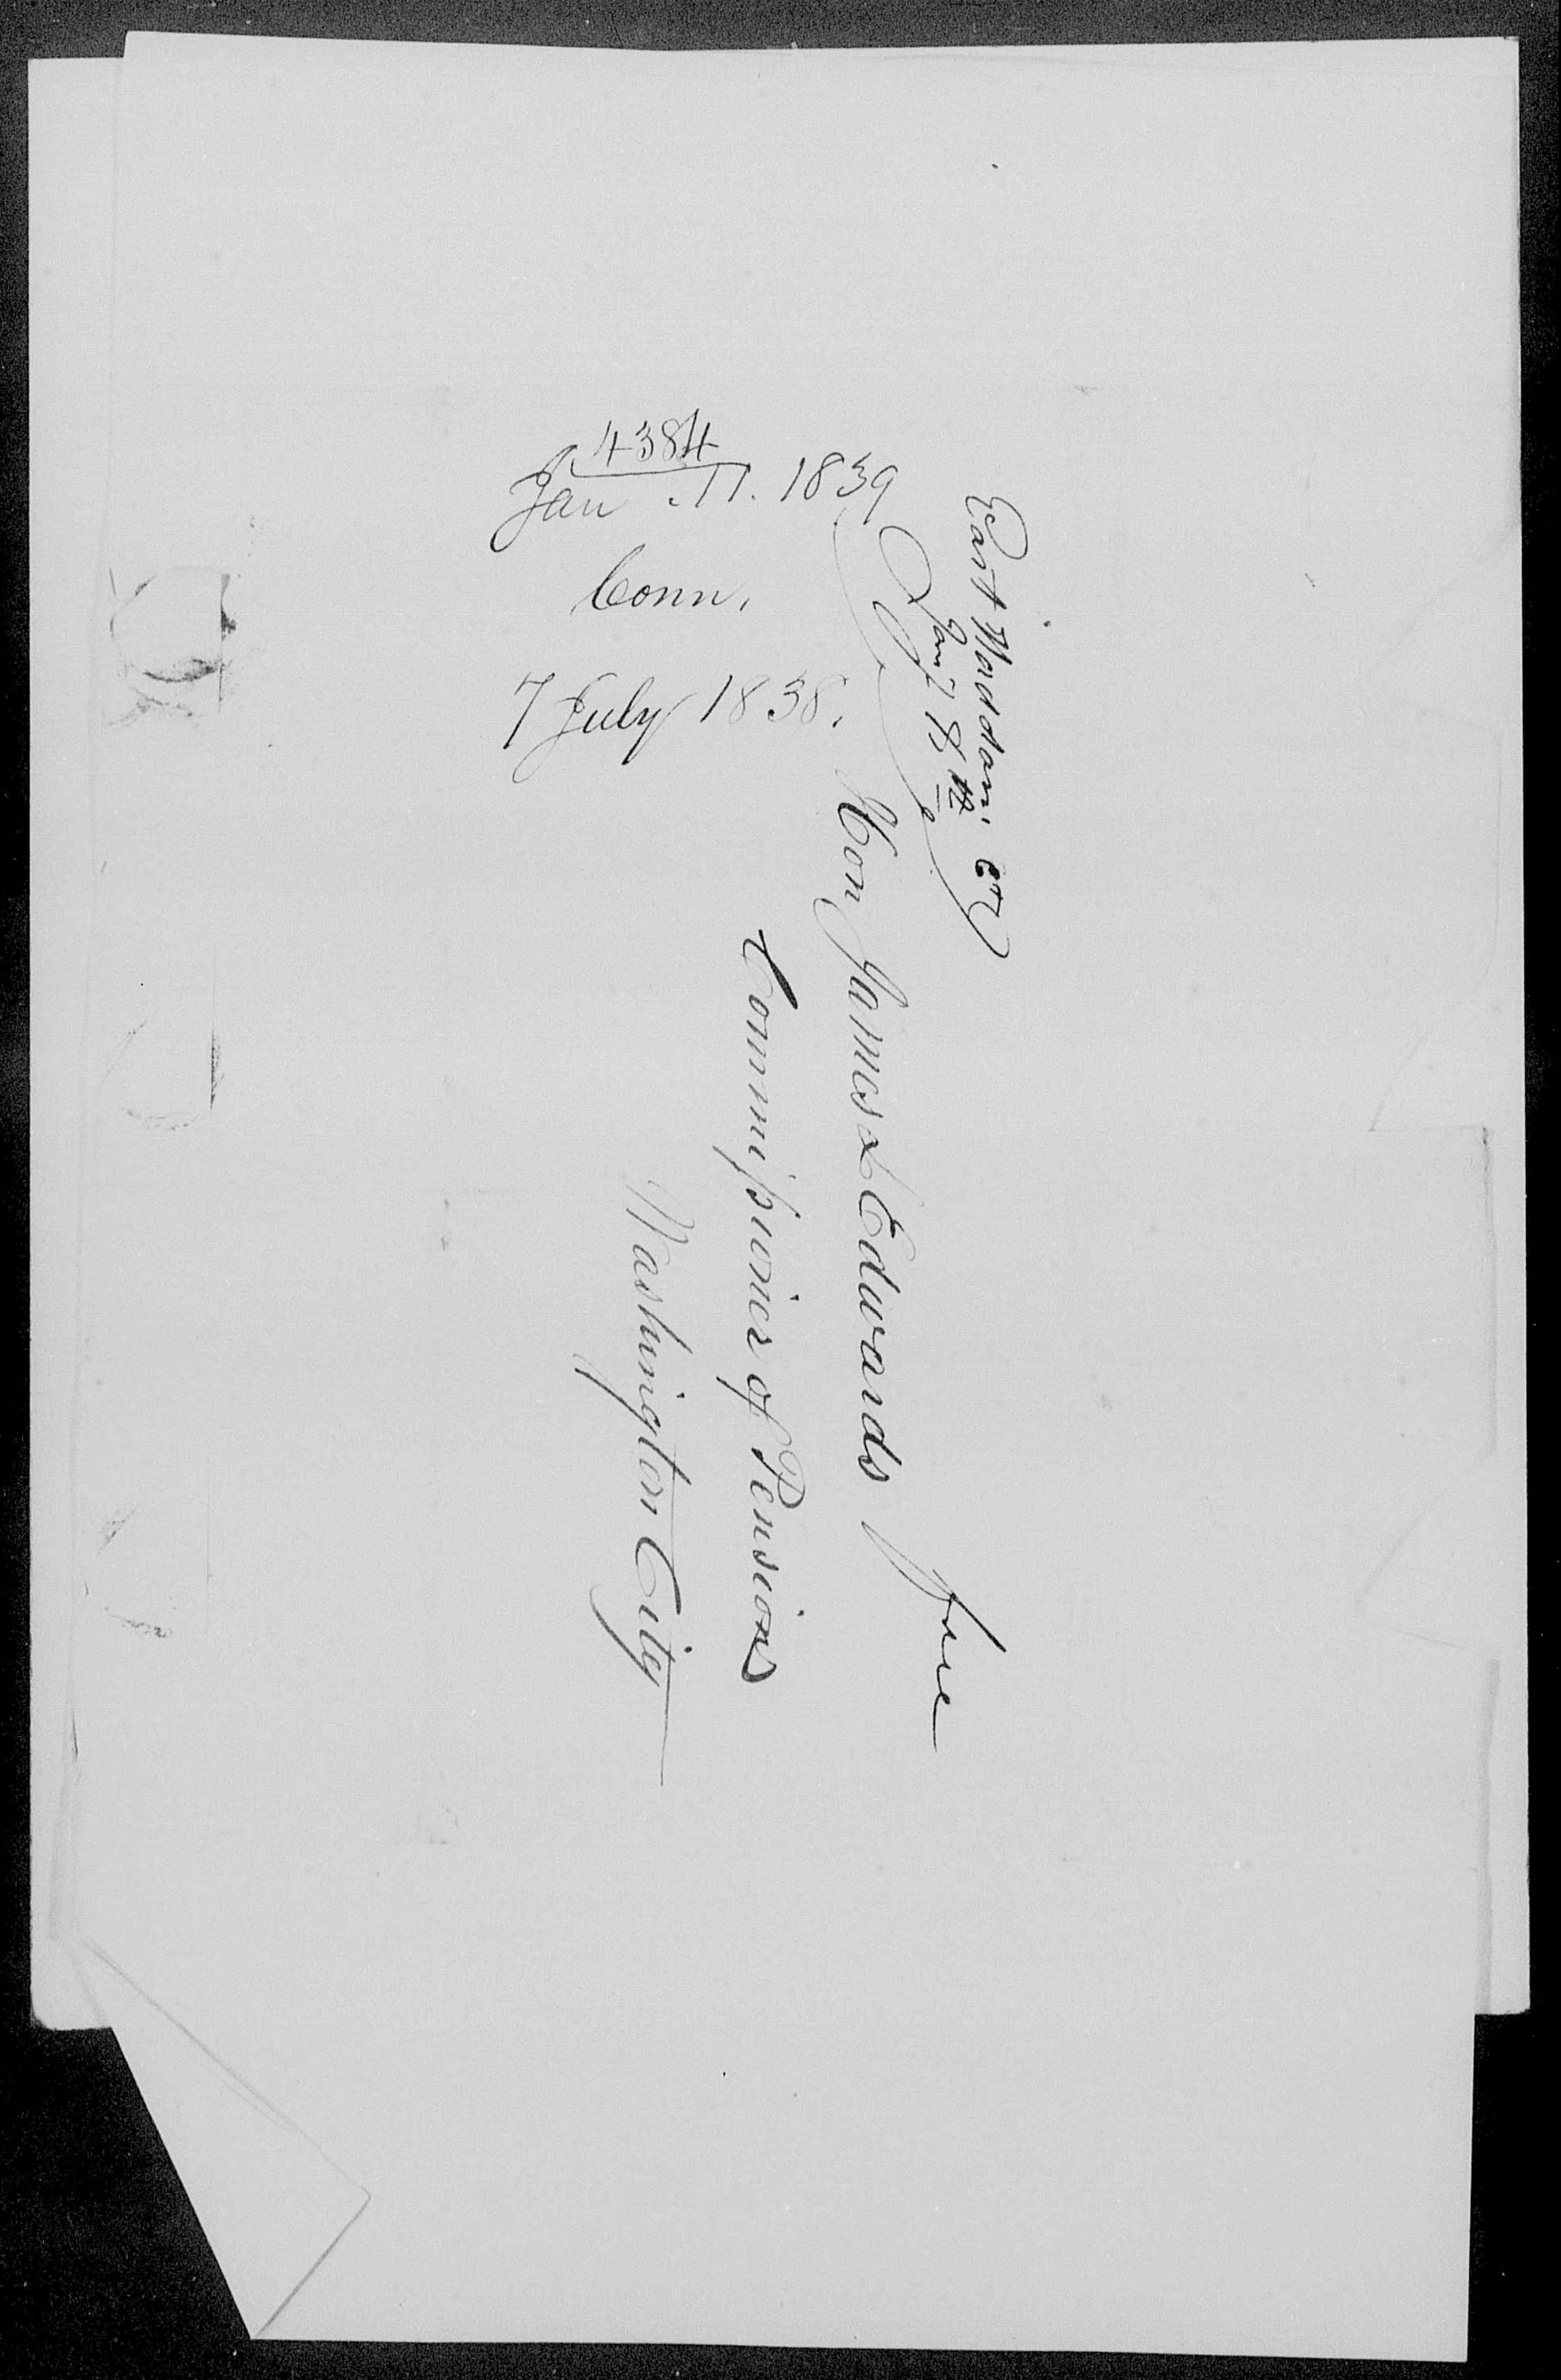[envelope]
[note written from left edge]
4384
Jan 11, 1839
Conn,
7 July 1838.

[return address & addressee]
East Haddam Ct
Jany 8th
free
Hon James L Edwards
Commissioner of Pensions
Washington City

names: James L Edwards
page: 11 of 25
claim: widow's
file: W. 23,671, Bezaleel Brainard, Conn.